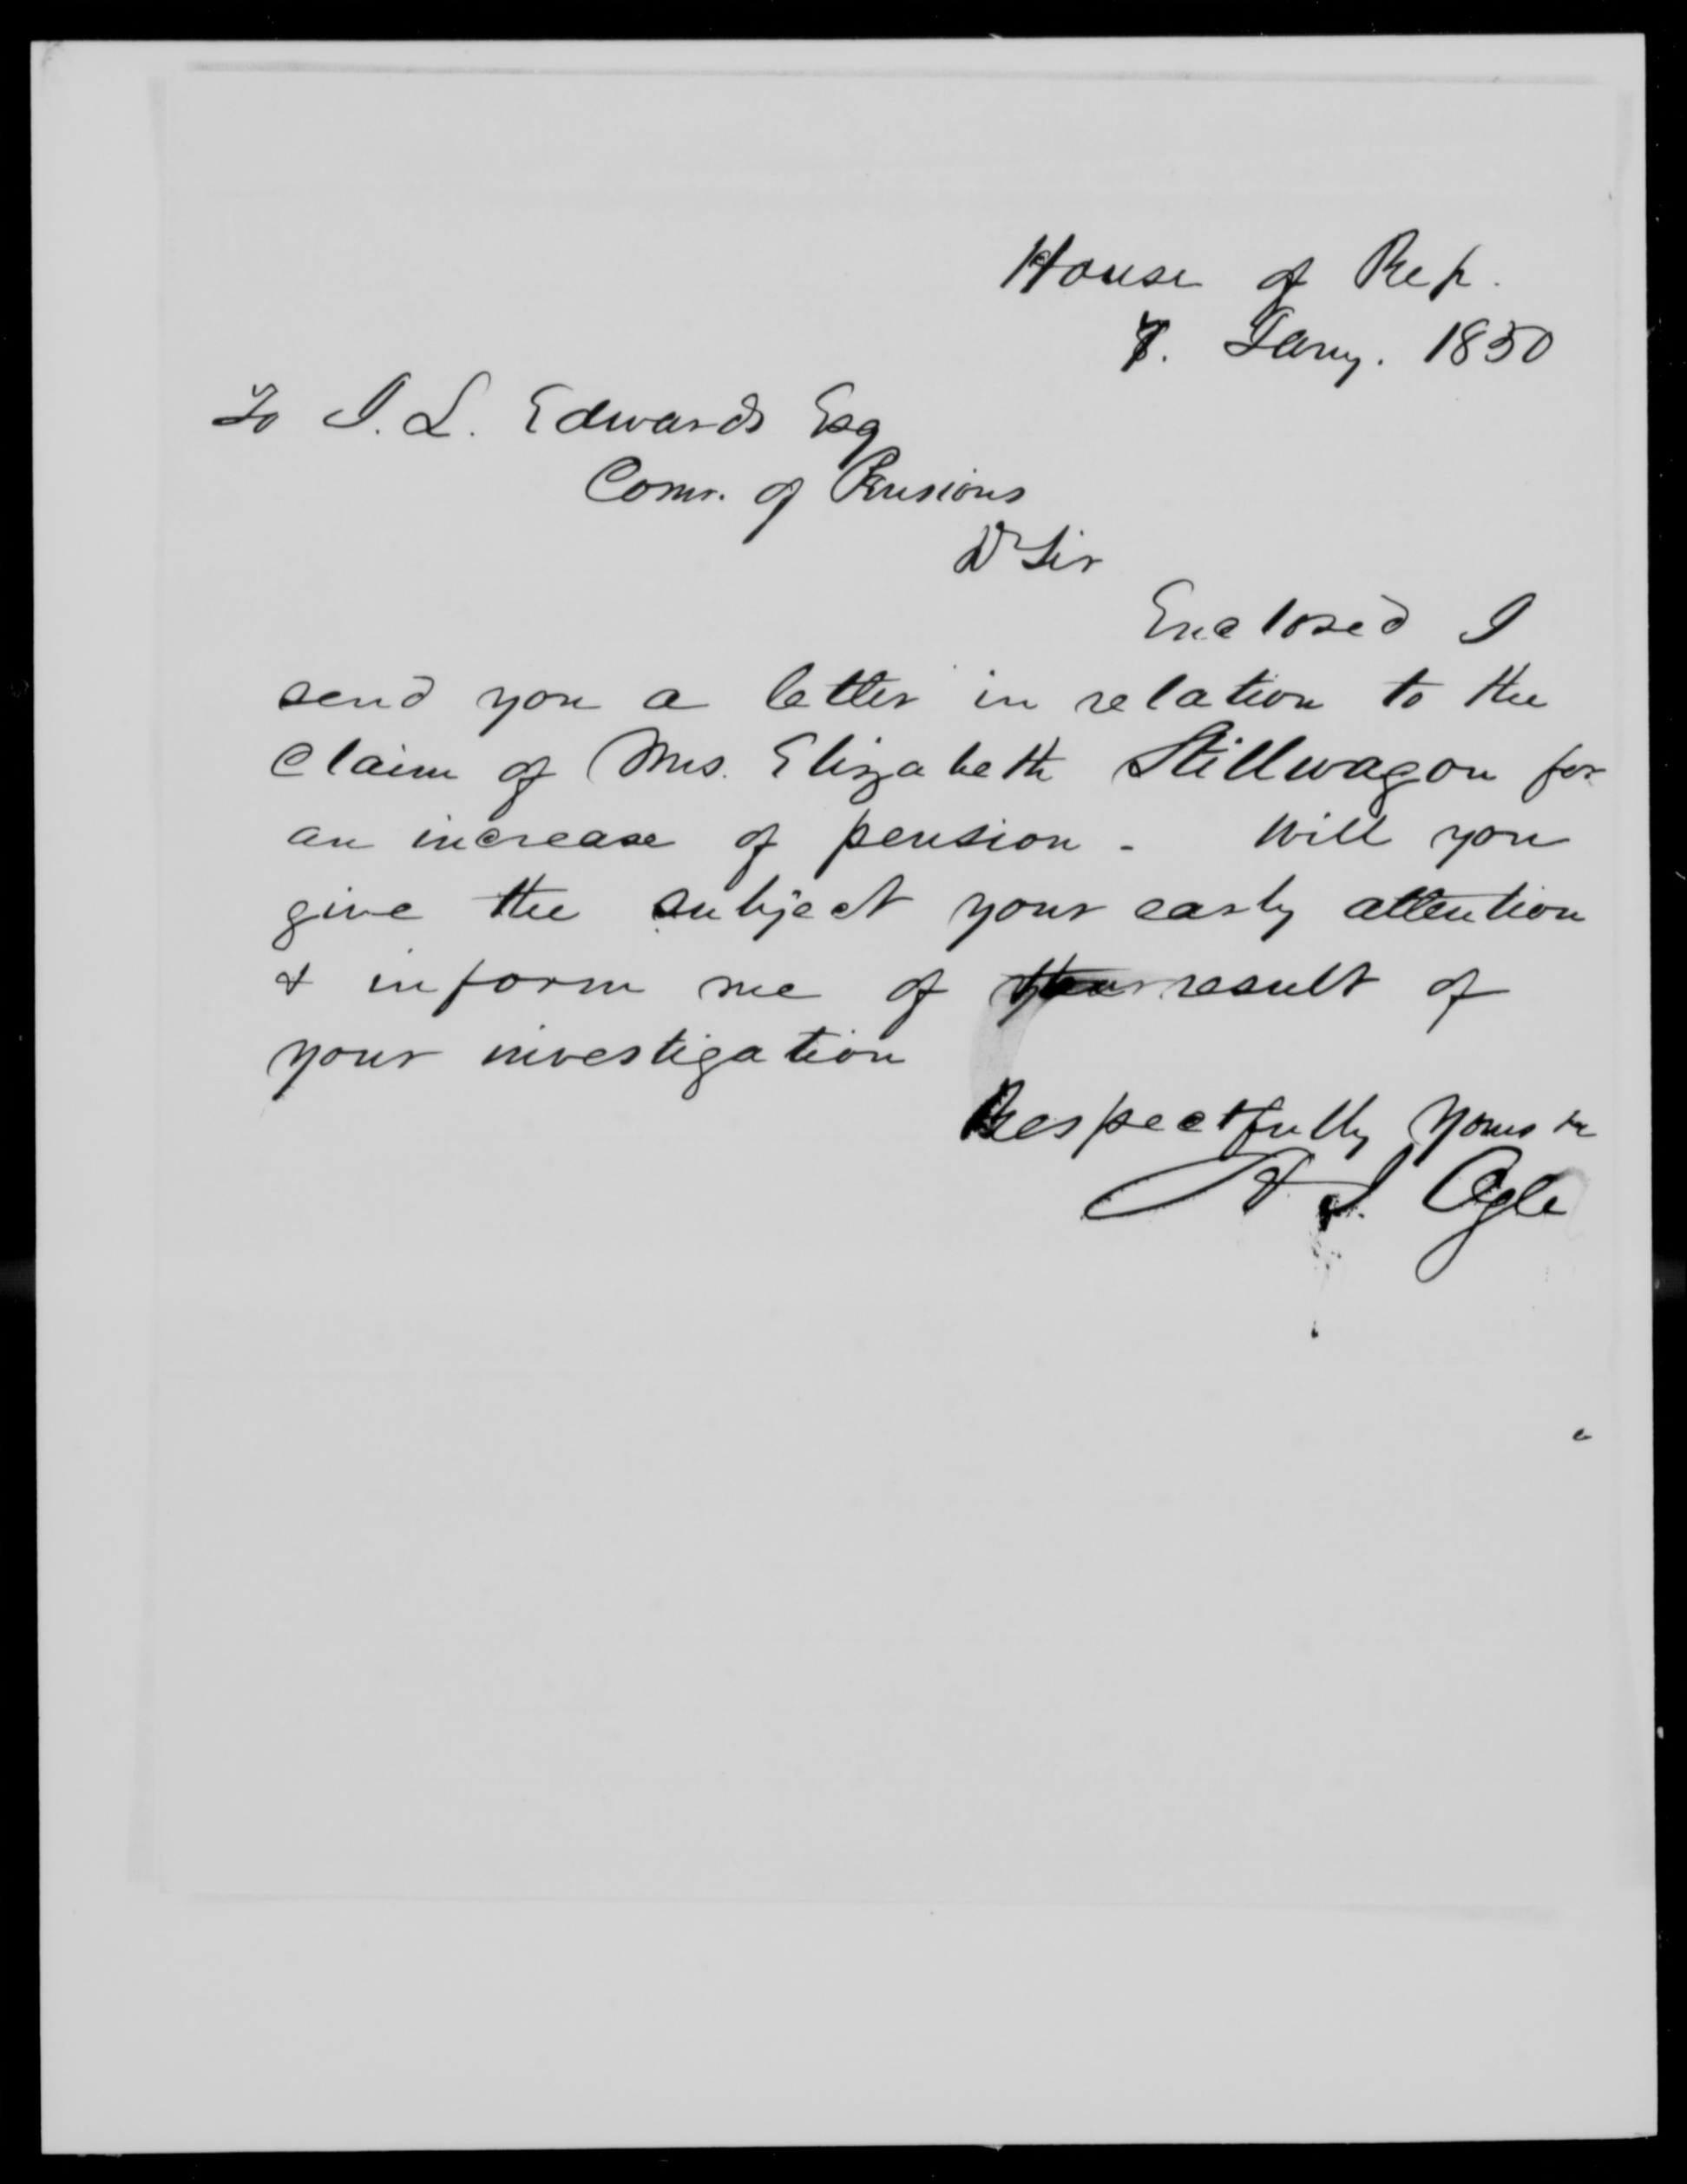House of Rep.
7 Jany 1850
To J. L. Edwards Esq
Com. of Pensions
Dr sir
Enclosed I send you a letter in relation to the claim of Mrs. Elizabeth Stillwagon for an increase of pension. Will you give the subject your early attention & inform me of the result of your investigation

Respectfully Yours
A. J. Ogle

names: A J Ogle; Elizabeth Stillwagon; J L Edwards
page: 44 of 73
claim: widow's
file: W. 3197, for Peter Stillwagon, New Jersey